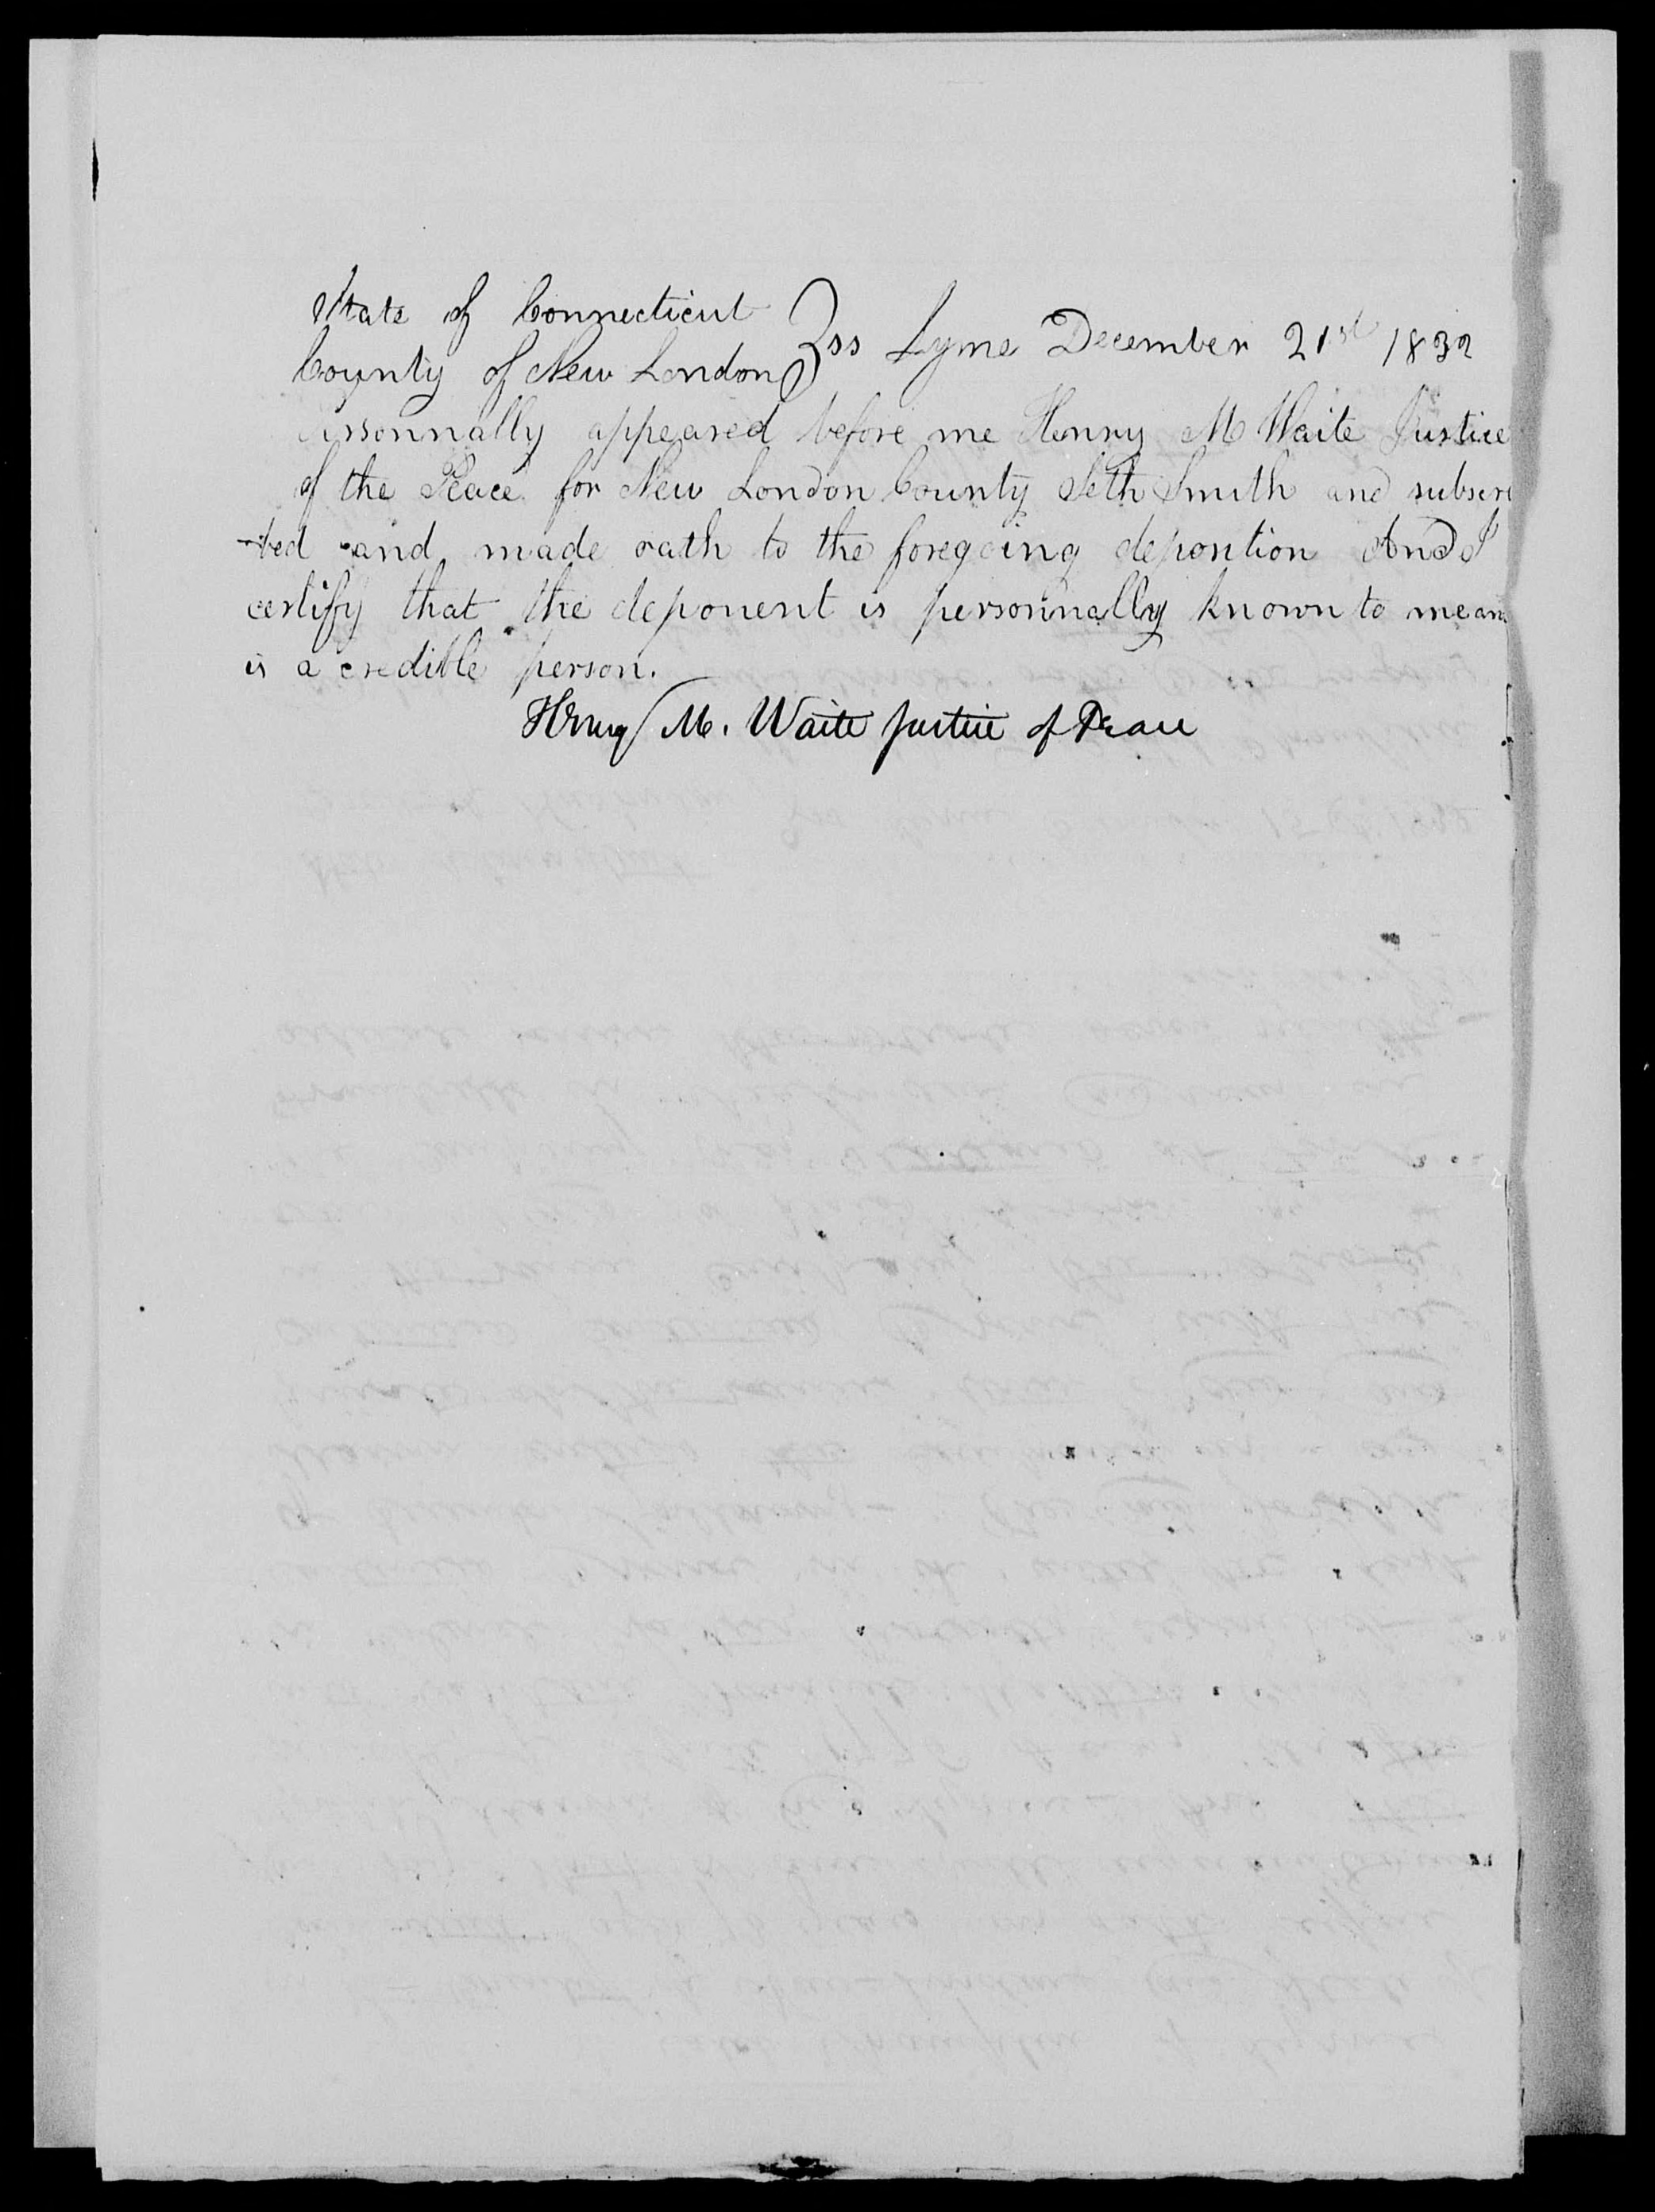State of Connecticut County of New London ss:

Lyme December 21st 1832

Personally appeared before me Henry McWaite Justice of the Peace for New London County Seth Smith and subscribed and made oath to the foregoing deposition. And I certify that the deponent is personally known to me and is a credible person.

Henry McWaite Justice of Peace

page: 8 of 20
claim: survivor's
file: S. 15,516, for Joseph Marvin, Connecticut